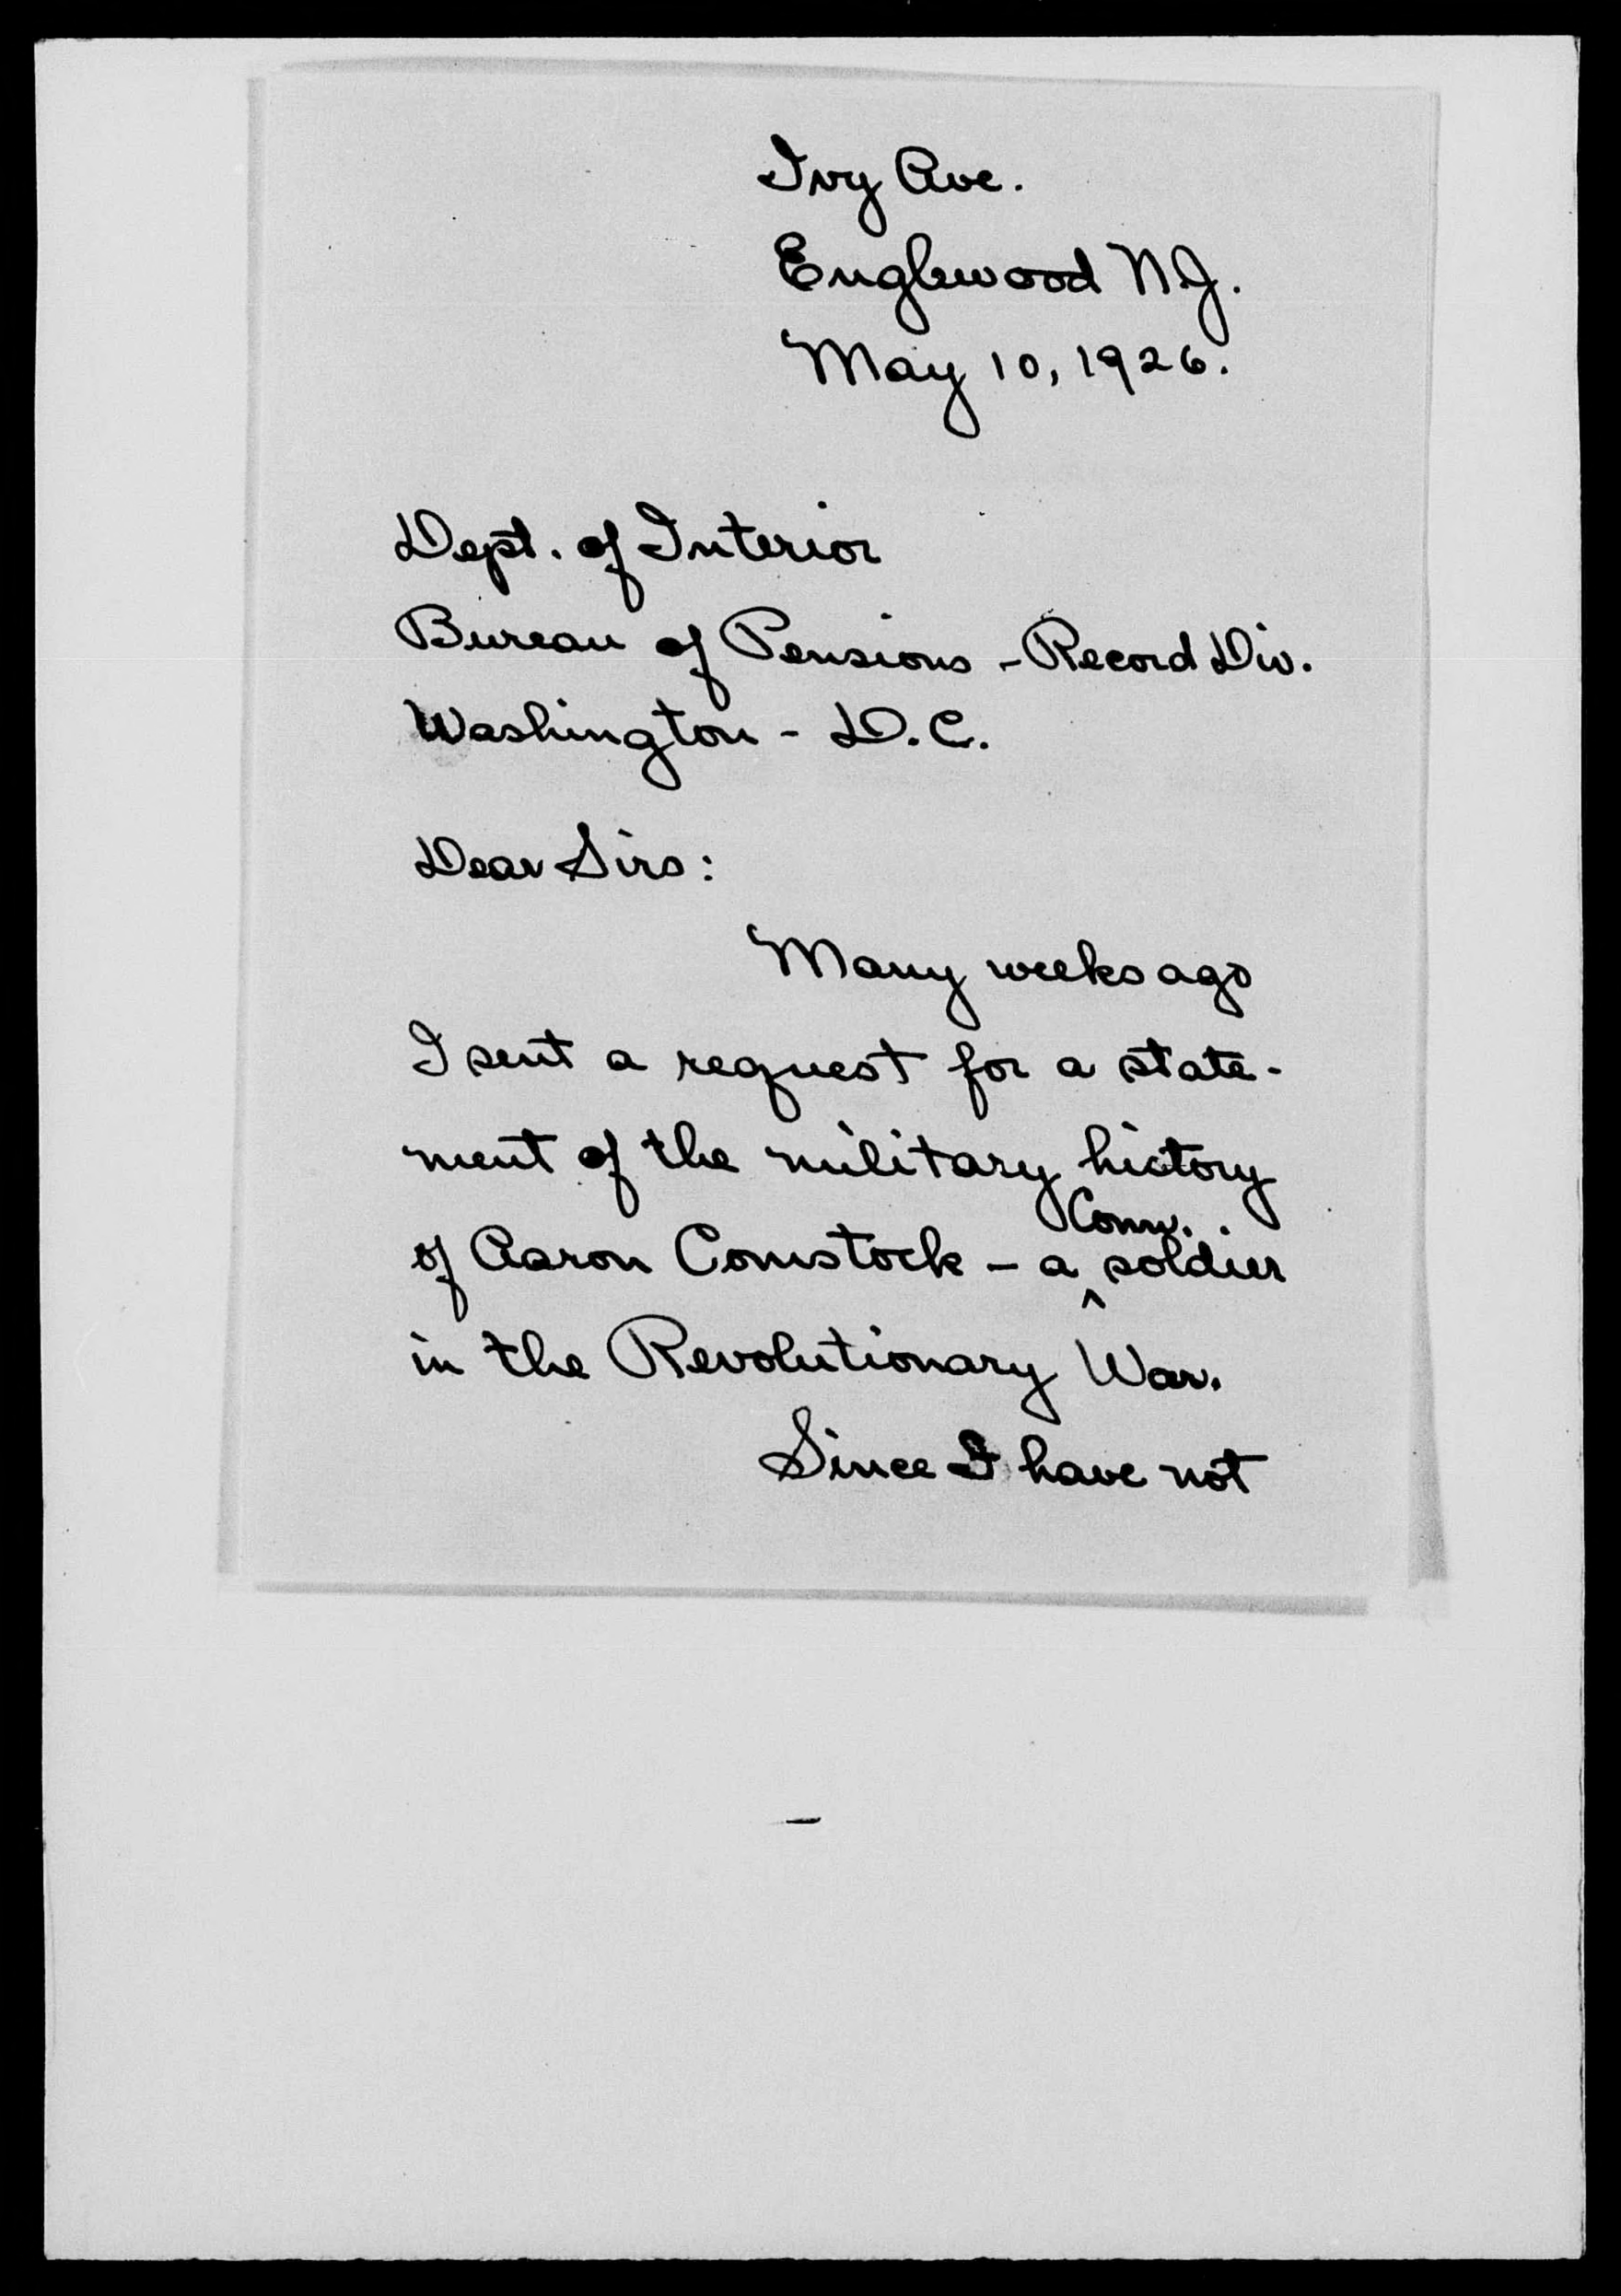Ivy Ave.
Englewood N. J.
May 10, 1926.

Dept. of Interior
Bureau of Pensions - Record Div.
Washington - D. C.

Dear Sirs:
Many weeks ago I sent a request for a statement of the military history of Aaron Comstock - a ^Conn. soldier in the Revolutionary War.

Since I have not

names: Aaron Comstock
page: 30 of 43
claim: widow's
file: W. 17,647, Aaron Comstock, Conn.